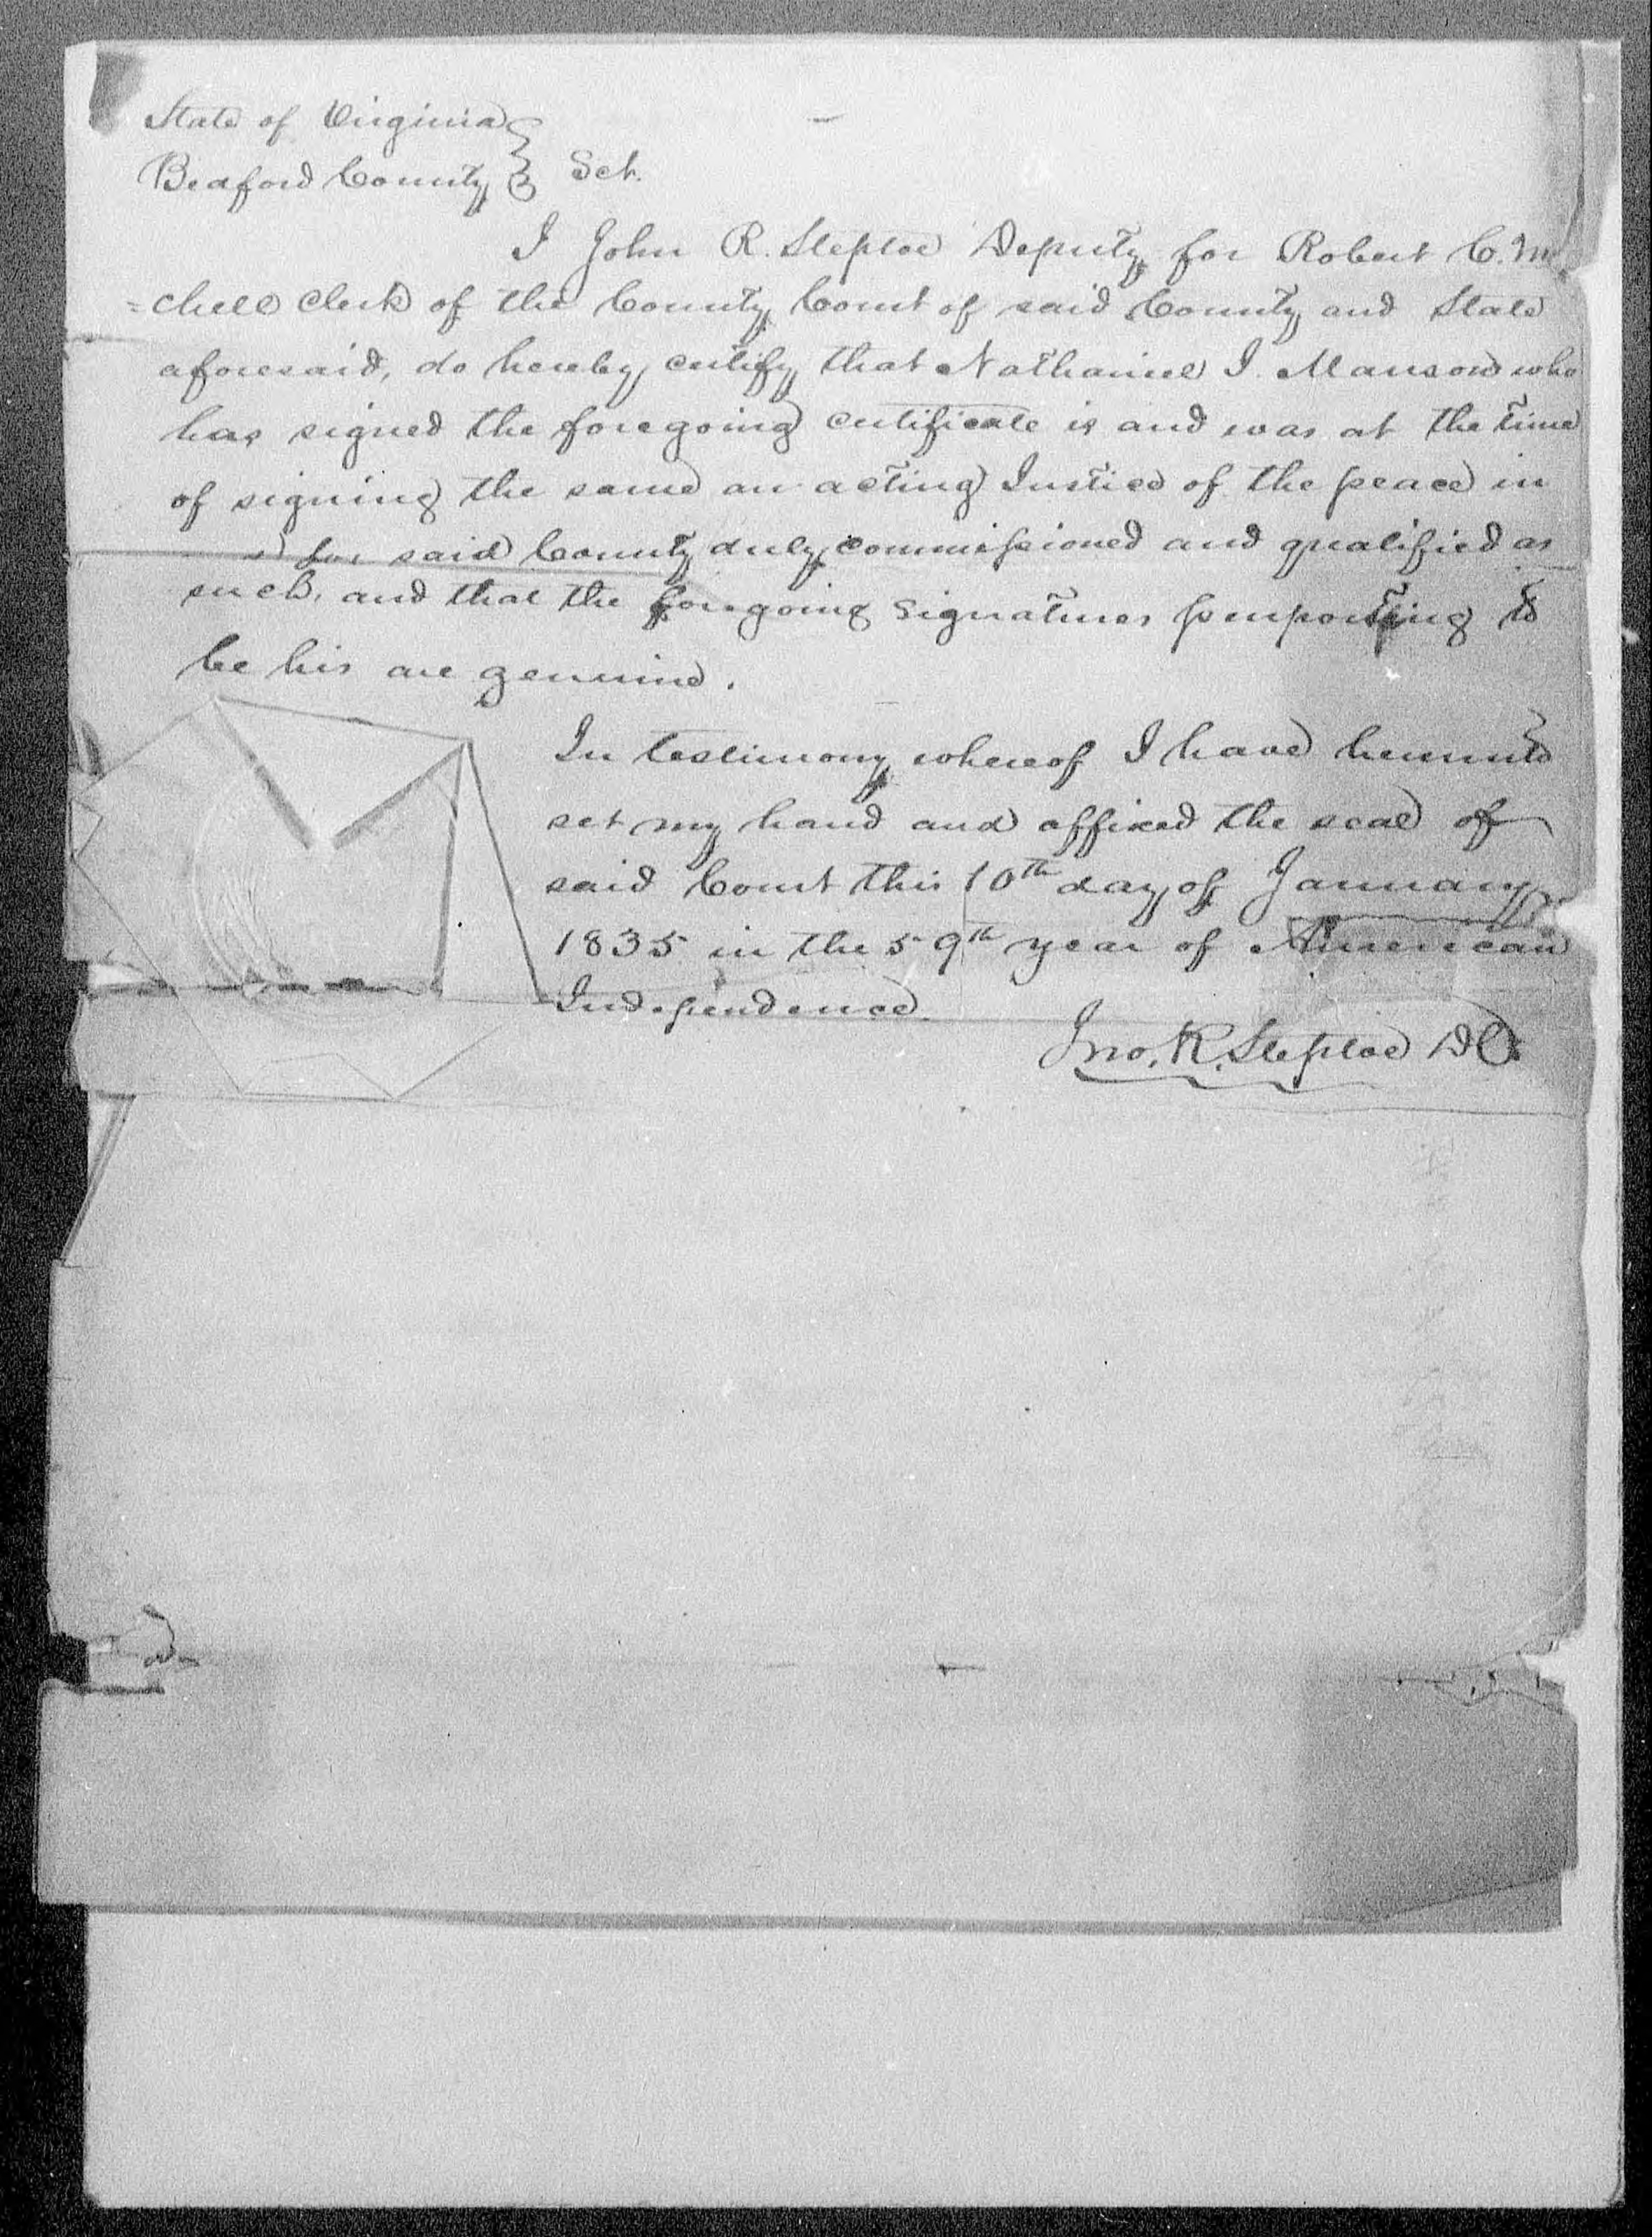State of Virginia
Bedford County
Sch.
I John R. Steptoe Deputy for Robert [illegible] Clerk of the County Court of said County and State aforesaid, do hereby certify that Nathaniel L. Manson who has signed the foregoing certificate is and was at the time of signing the same and acting Justice of the peace in for said County duly commissioned and qualified as such, and that the foregoing signatures purporting to be his are genuine.

In testimony whereof I have hereunto
set my hand and affixed the seal of
said Court this 10th day of January
1835 in the 59th year of American
Independence

Jno. R. Steptoe DC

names: Robert C Mitchell, Jno R Steptoe, Nathaniel J Manson, John R Steptoe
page: 17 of 25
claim: rejected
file: R. 1929, Robert Childress, Va